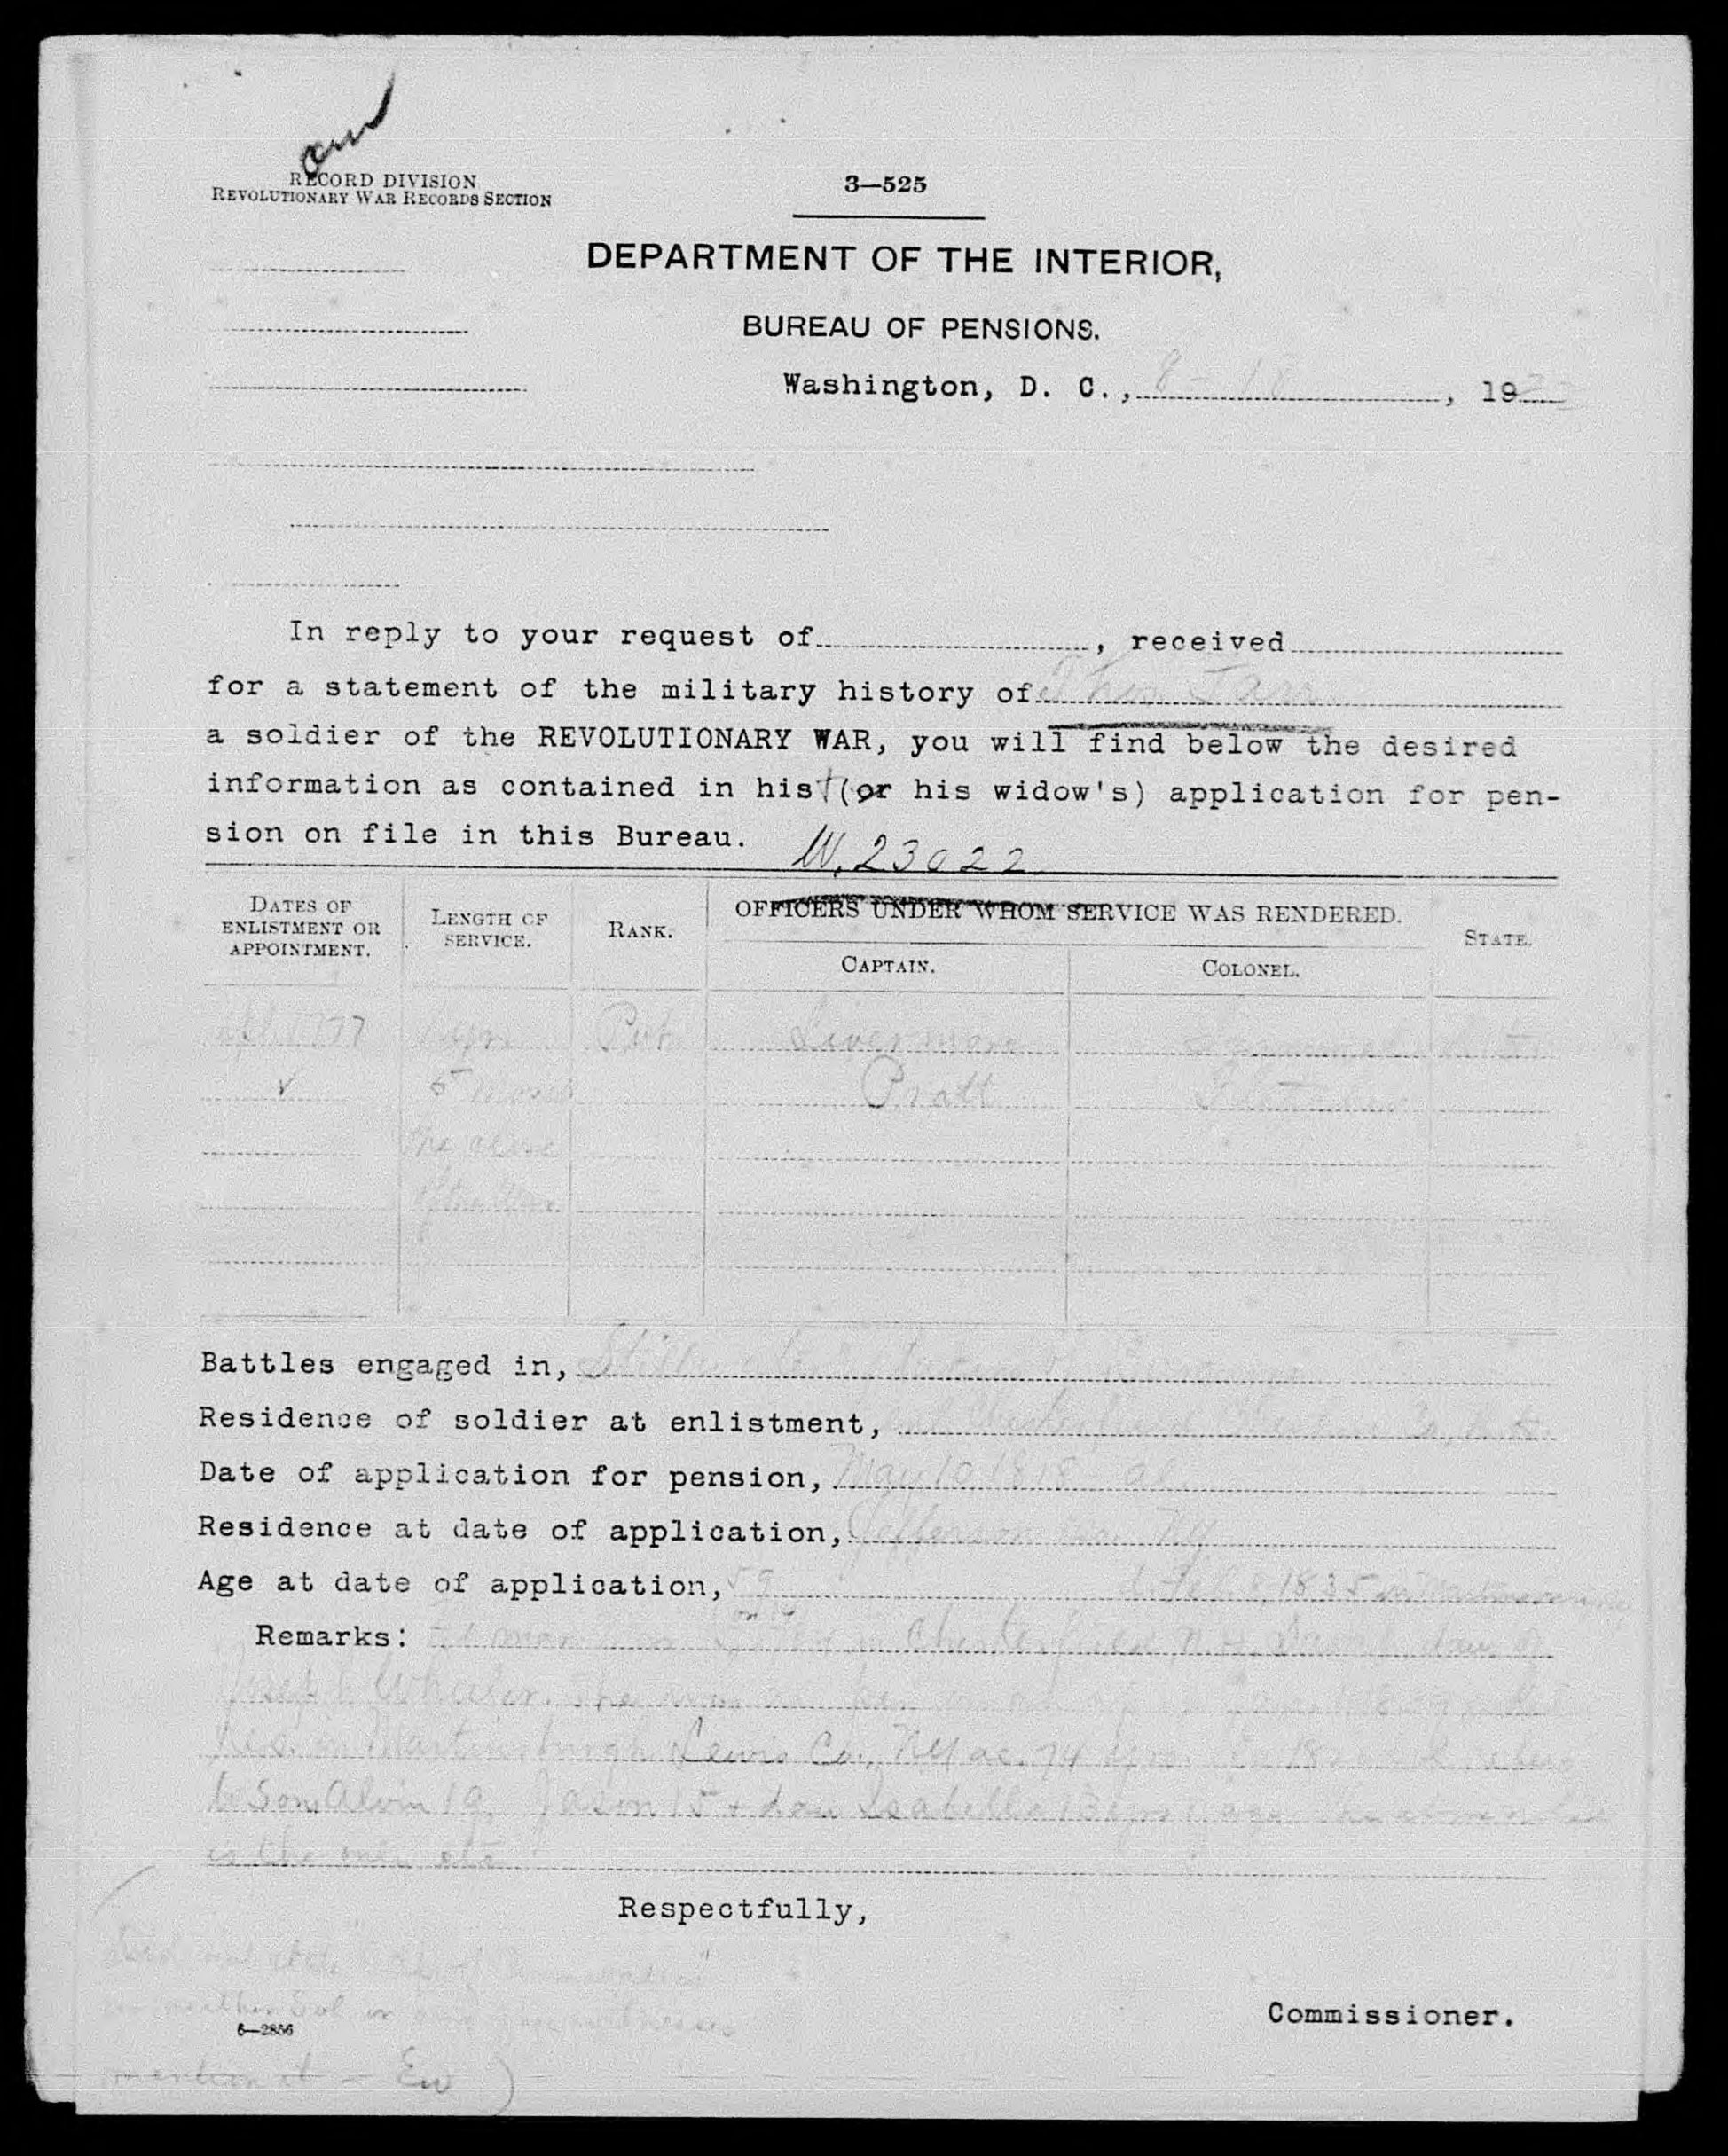am [? - handwritten above]
RECORD DIVISION
REVOLUTIONARY WAR RECORDS SECTION   3 -- 525
___________
DEPARTMENT OF THE INTERIOR,

BUREAU OF PENSIONS.
Washington, D. C.,  8 - 18, 1922

In reply to your request of        , received
for a statement of the military history of Thos. Farr
a soldier of the REVOLUTIONARY WAR, you will find below the desired
information as contained in his & [handwritten] (or his widow's) application for pension
on file in this Bureau. W. 23022 [underlined]

[Table - 6 columns, 7 rows]

DATES OF                        LENGTH OF        RANK      OFFICERS UNDER WHOM SERVICE WAS RENDERED.
ENLISTMENT OR               SERVICE.                                                                                                                            STATE.
APPOINTMENT.                                                                     CAPTAIN.                                   COLONEL.

[illegible]                              1 yr                     Pvt                  Livermore                                     Scammell                     NH
        ✔                                   5 mo                                                   Pratt                                       Fletcher
                                             the close
                                            of the war

Battles engaged in, Stillwater, capture of Burgoyne
Residence of soldier at enlistment, enl. Chesterfield Cheshire Co., N.H.
Date of application for pension, May 10, 1818
Residence at date of application, Jefferson, NY
Age at date of application, 59                    d. February 8, 1835 in Martinsburg
Remarks: He married [illegible] Chesterfield, N.H. Sara day. of
Joseph Wheeler. She was [illegible]
Res. in Martinsburgh Lewis Co., NY at 74 yrs. in 182[illegible]
Sons Alvin 19, Jason 15 & dau Isabella 13 yrs. [illegible]
is the [illegible]

Respectfully,

[illegible]
5–2856                         Commissioner.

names: Jason, Thos Farr, Pratt, Fletcher, Isabella, Livermore, Alvin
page: 18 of 46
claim: widow's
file: W. 23022, Thomas Farr, N.H.